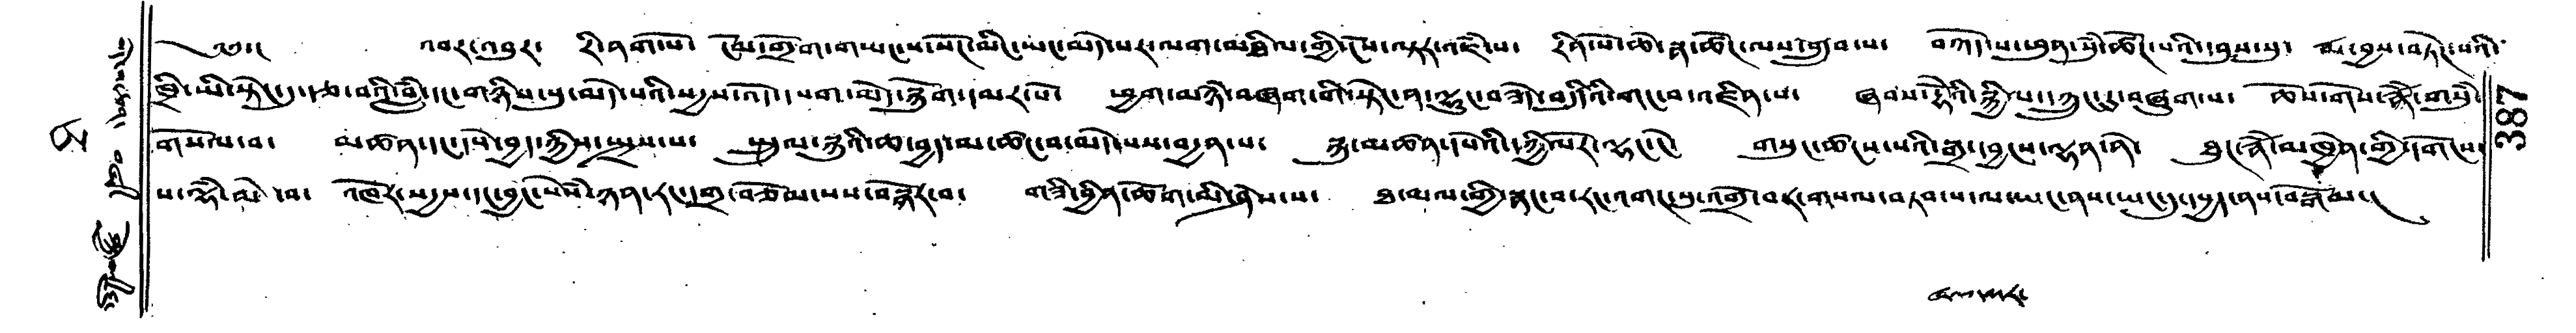འབར་འབུར། རི་ནག་པོ། ངམ་གྲོག་གཡང་ས་སོགས་མིང་ཡང་མེད་པར་ལག་མཐིལ་གྱི་ངོས་ལྟར་འཇམ་པ། རིན་པོ་ཆེ་སྣ་ཚོགས་ལས་གྲུབ་པ། བཀོད་པ་ཕུན་སུམ་ཚོགས་པའི་དབུས་སུ། རྨ་བྱས་བཏེགས་པའི་
ཁྲི་ཡི་སྟེང་དུ་རྩ་བའི་བླ་མ་དང་གཉིས་སུ་མེད་པའི་སངས་རྒྱས་འོད་དཔག་མེད་སྐུ་མདོག་དམར་པོ། ཕྱག་མཉམ་བཞག་གི་སྟེང་ན་ལྷུང་བཟེད་བདུད་རྩིའི་གང་བ་འཛིན་པ། ཞབས་རྡོ་རྗེའི་སྐྱིལ་ཀྲུང་དུ་བཞུགས་པ། ཆོས་གོས་རྣམ་གསུམ་
གསོལ་བ། མཚན་དང་དཔེ་བྱད་ཀྱིས་སྤྲས་པ་སྤྲུལ་སྐུའི་ཆ་བྱད་མ་ཚང་བ་མེད་པས་བརྒྱན་པ། སྐུ་མཚན་དཔེའི་དཀྱིལ་འཁོར་ལྷང་ངེ་། གསུང་ཚངས་པའི་སྒྲ་དབྱངས་ལྷན་ནེ། ཐུགས་རྣམ་མཁྱེན་དགོངས་
པ་ལྷམ་མེ་བ། འཁོར་སངས་རྒྱས་དང་བྱང་སེམས་ཉན་རང་དགྲ་བཅོམ་པས་བསྐོར་བ། གཟི་བྱིན་ཆོག་མི་ཤེས་པ། ཐ་མལ་གྱི་སྣང་བ་རང་འགགས་སུ་འགྲོ་བར་གསལ་བཏབ་པ་ལ་ཡང་ནས་ཡང་དུ་དཔྱད་ནས་བསྒོམ།